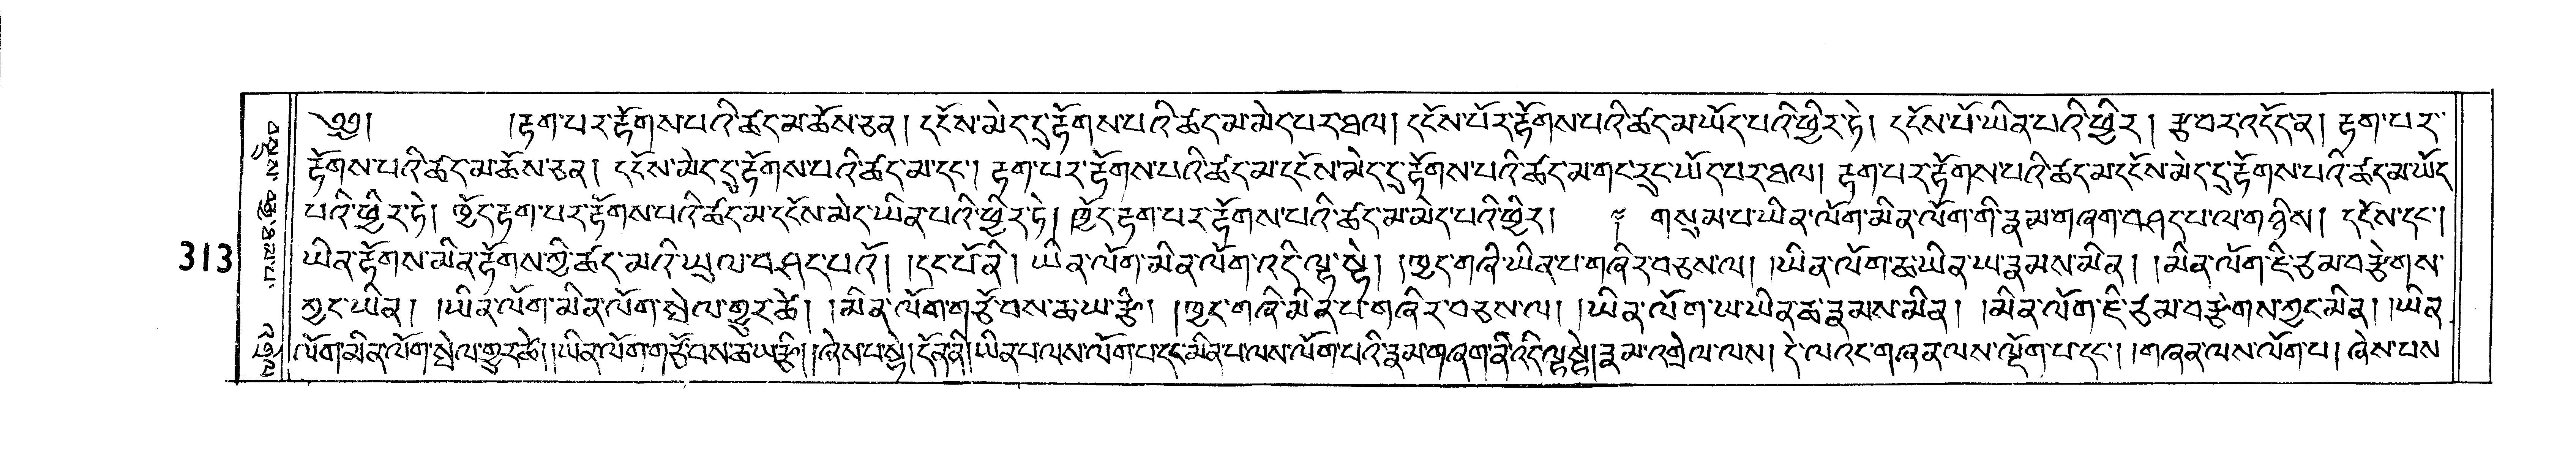༄༅། །རྟག་པར་རྟོགས་པའི་ཚད་མ་ཆོས་ཅན། དངོས་མེད་དུ་རྟོགས་པའི་ཚད་མ་མེད་པར་ཐལ། དངོས་པོར་རྟོགས་པའི་ཚད་མ་ཡོད་པའི་ཕྱིར་ཏེ། དངོས་པོ་ཡིན་པའི་ཕྱིར། རྩ་བར་འདོད་ན། རྟག་པར་
རྟོགས་པའི་ཚད་མ་ཆོས་ཅན། དངོས་མེད་དུ་རྟོགས་པའི་ཚད་མ་དང་། རྟག་པར་རྟོགས་པའི་ཚད་མ་དངོས་མེད་དུ་རྟོགས་པའི་ཚད་མ་གང་རུང་ཡོད་པར་ཐལ། རྟག་པར་རྟོགས་པའི་ཚད་མ་དངོས་མེད་དུ་རྟོགས་པའི་ཚད་མ་ཡོད་
པའི་ཕྱིར་ཏེ། ཁྱོད་རྟག་པར་རྟོགས་པའི་ཚད་མ་དངོས་མེད་ཡིན་པའི་ཕྱིར་ཏེ། ཁྱོད་རྟག་པར་རྟོགས་པའི་ཚད་མ་མེད་པའི་ཕྱིར། ༈ གསུམ་པ་ཡིན་ལོག་མིན་ལོག་གི་རྣམ་གཞག་བཤད་པ་ལ་གཉིས། དངོས་དང་།
ཡིན་རྟོགས་མིན་རྟོགས་ཀྱི་ཚད་མའི་ཡུལ་བཤད་པའོ། །དང་པོ་ནི། ཡིན་ལོག་མིན་ལོག་འདི་ལྟ་སྟེ། །ཁྱད་གཞི་ཡིན་པ་གཞིར་བཅས་ལ། །ཡིན་ལོག་ཆ་ཡིན་ཡ་རྣམས་མིན། །མིན་ལོག་ཇི་ཙམ་བརྩེགས་
ཀྱང་ཡིན། །ཡིན་ལོག་མིན་ལོག་སྤེལ་གྱུར་ཚེ། །མིན་ལོག་གཙོ་བས་ཆ་ཡ་རྩི། །ཁྱད་གཞི་མིན་པ་གཞིར་བཅས་ལ། །ཡིན་ལོག་ཡ་ཡིན་ཆ་རྣམས་མིན། །མིན་ལོག་ཇི་ཙམ་བརྩེགས་ཀྱང་མིན། །ཡིན་
ལོག་མིན་ལོག་སྤེལ་གྱུར་ཚེ། །ཡིན་ལོག་གཙོ་བས་ཆ་ཡ་རྩི། །ཞེས་པ་སྟེ། དོན་ནི། ཡིན་པ་ལས་ལོག་པ་དང་མིན་པ་ལས་ལོག་པའི་རྣམ་གཞག་ནི་འདིར་ལྟ་སྟེ། རྣམ་འགྲེལ་ལས། དེ་ལའང་གཞན་ལས་ལྡོག་པ་དང་། །གཞན་ལས་ལོག་པ། ཞེས་པས་